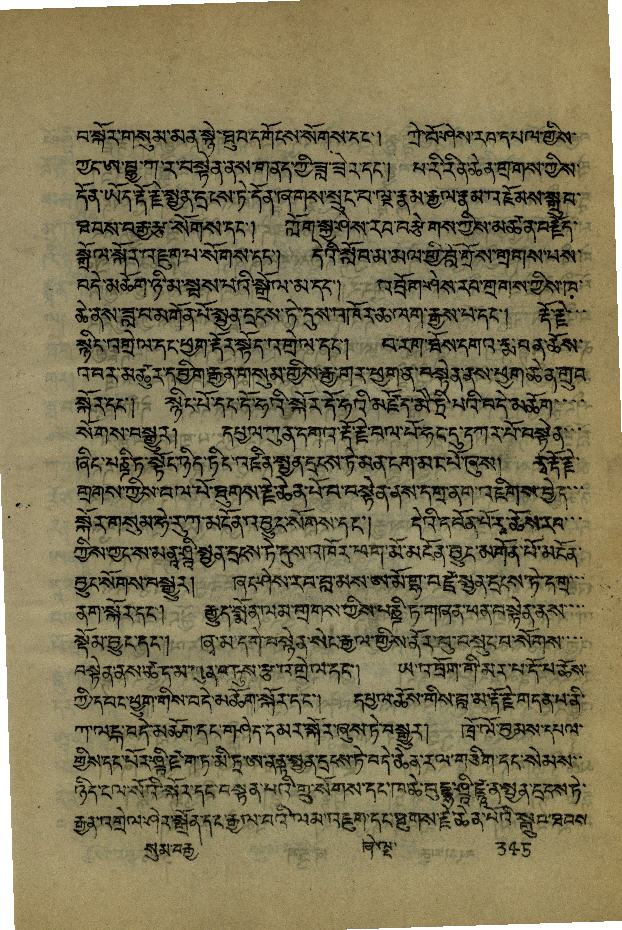བ་སྐོར་གསུམ་མན་སྙེ་ཐུབ་དགོངས་སོགས་དང་། ཀྲེ་བོ་ཤེས་རབ་དཔལ་གྱིས་
ཀྱང་ཨ་བྷྱ་ཀ་ར་བསྟེན་ནས་གནད་ཀྱི་ཟླ་ཟེར་དང་། པ་རི་རིན་ཆེན་གྲགས་ཀྱིས་
དོན་ཡོད་རྡོ་རྗེ་སྤྱན་དྲངས་ཏེ་དོན་ཞགས་སྲུང་བ་ལྔ་རྣམ་རྒྱལ་རྣམ་འཇོམས་སྒྲུབ་
ཐབས་བརྒྱ་རྩ་སོགས་དང་། ཀློག་སྐྱ་ཤེས་རབ་བརྩེགས་ཀྱིས་མཚན་བརྗོད་
སྒྲོལ་སྐོར་འཇུག་པ་སོགས་དང་། དེའི་སློབ་མ་མལ་གྱི་བློ་གྲོས་གྲགས་པས་
བདེ་མཆོག་ཉི་མ་སྦས་པའི་སྒྲོལ་མ་དང་། འབྲོག་ཤེས་རབ་གྲགས་ཀྱིས་ཁ་
ཆེ་ནས་ཟླ་བ་མགོན་པོ་སྤྱན་དྲངས་ཏེ་དུས་འཁོར་ཆ་ལག་རྒྱས་པ་དང་། རྡོ་རྗེ་
སྙིང་འགྲེལ་དང་ཕྱག་རྡོར་སྟོད་འགྲེལ་དང་། བ་རག་ཐོས་དགའ་རྨ་བན་ཆོས་
འབར་མཚུར་དབྱིག་རྒྱན་གསུམ་གྱིས་རྒྱ་གར་ཕྱག་ན་བསྟེན་ནས་ཕྱག་ཆེན་གྲུབ་
སྐོར་དང་། སྙིང་པོ་དང་དོ་ཧའི་སྐོར་དོ་ཧའི་མཛོད་མཻ་ཏྲི་པའི་བདེ་མཆོག་
སོགས་བསྒྱུར། དཔྱལ་ཀུན་དགའ་རྡོ་རྗེ་བལ་པོ་ཧང་དུ་དཀར་པོ་བསྟེན་
ཞིང་པཎྜི་ཏ་སྟོང་ཉིད་ཏིང་འཛིན་སྤྱན་དྲངས་ཏེ་མན་ངག་མང་པོ་ཞུས། རྭ་རྡོ་རྗེ་
གྲགས་ཀྱིས་བལ་པོ་ཐུགས་རྗེ་ཆེན་པོ་བ་བསྟེན་ནས་དགྲ་ནག་འཇིགས་བྱེད་
སྐོར་གསུམ་?མན་སྙེ་རུ་ཀ་མངོན་འབྱུང་སོགས་དང་། དེའི་དབོན་པོ་རྭ་ཆོས་རབ་
ཀྱིས་ཀྱང་ས་མནཱ་ཤྲཱི་སྤྱན་དྲངས་ཏེ་དུས་འཁོར་ཕག་མོ་མངོན་བྱུང་མགོན་པོ་མངོན་
བྱུང་སོགས་བསྒྱུར། ཞང་ཤེས་རབ་བླ་མས་ཨ་མོ་གྷ་བཛྲ་སྤྱན་དྲངས་ཏེ་དགྲ་
ནག་སྐོར་དང་། རྒྱུད་སྨོན་ལམ་གྲགས་ཀྱིས་པཎྜི་ཏ་གཞན་ཕན་བསྟེན་ནས་
སྡོམ་བྱུང་དང་། ཞྭ་མ་དགེ་བསྙེན་སེང་རྒྱལ་གྱིས་ནོར་བུ་བསྲུང་བ་སོགས་
བསྟེན་ནས་ཚད་མ་ཀུན་བཏུས་རྩ་འགྲེལ་དང་། ཡ་འབྲོག་གི་མར་པ་དོ་པ་ཆོས་
ཀྱི་དབང་ཕྱུག་གིས་བདེ་མཆོག་སྐོར་དང་། དཔྱལ་ཆོས་གིས་བླ་མ་རྡོ་རྗེ་གདན་པ་ནི་
ཀ་ལངྐ་བདེ་མཆོག་དང་གཤེད་དམར་སྐོར་ཞུས་ཏེ་བསྒྱུར། ཁྲོ་ལོ་བྱམས་དཔལ་
གྱིས་དང་པོར་ཤྲཱི་ཛ་ག་ཏ་མི་ཏྲ་ཨ་ནནྟ་སྤྱན་དྲངས་ཏེ་བདེ་ཆེན་རལ་གཅིག་དང་སེམས་
ཉིད་ངལ་སོའི་སྐོར་དང་བསྟན་པའི་གྲུ་སོགས་དང་ཁ་ཆེ་བུདྡྷ་ཤྲཱི་ཛྙཱ་ན་སྤྱན་དྲངས་ཏེ་
རྒྱན་འགྲེལ་ཤེར་སྒྲོན་དང་རྒྱལ་བའི་ལམ་འཇུག་དང་ཐུགས་རྗེ་ཆེན་པོའི་སྒྲུབ་ཐབས་